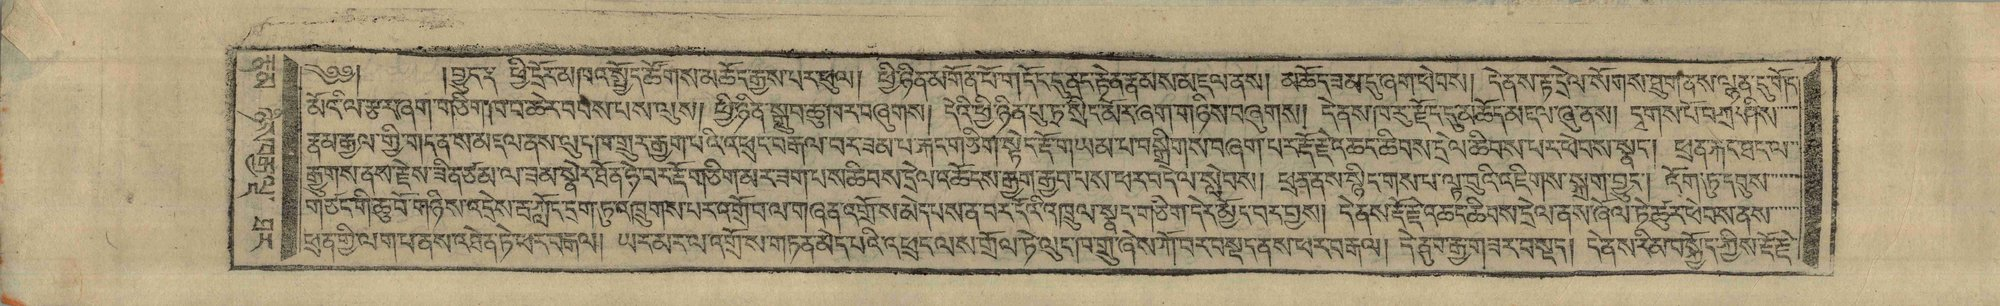༄༅། །བྱུང༑ ཕྱི་དྲོར་མཁས་སྤྱོད་ཚོགས་མཆོད་རྒྱས་པར་ཕུལ། ཕྱི་ཉིན་མགོན་པོ་གདོང་དུ་ནང་རྟེན་རྣམས་མཇལ་ནས། མཆོད་ཟམ་དུ་ཞག་ཕེབས། དེ་ནས་རྟ་དྲེལ་སོགས་ཐུག་ནས་ལྷན་དུ་གོང་
མོའི་ལ་རྩར་ཞག་གཅིག་ཁ་པ་ཆར་བབས་པས་ལུས། ཕྱི་ཉིན་སྒྲུབ་ཆུ་ཁར་བཞུགས། དེའི་ཕྱི་ཉིན་པུ་ཏྲ་སྲིང་མོར་ཞག་གཉིས་བཞུགས། དེ་ནས་ཁ་རུ་རྫོང་དུ་མཆོད་མཇལ་ཞུ་ནས། དྭགས་པོ་བཀྲ་ཤིས་
རྣམ་རྒྱལ་གྱི་གདན་ས་མཇལ་ནས་ལུང་ཁ་གྲུར་རྒྱག་པའི་འཕྲང་བརྒལ་བར་ཟམ་པ་རྐང་གཅིག་སྟེང་རྡོ་གཡམ་པ་བསྒྲིགས་བཞག་པར་རྡོ་རྗེ་འཆང་ཆིབས་དྲེལ་ཆེབས་པར་ཕེབས་སྣང་། ཕྲན་རྐང་ཐང་ལ་
རྒྱུགས་ནས་རྗེས་ཟིན་ཙམ་ལ་ཟམ་སྣེར་ཐོན་ཉེ་བར་རྡོ་གཅིག་མར་ཟག་པས་ཆིབས་དྲེལ་འཆོངས་རྒྱག་རྒྱབ་པས་ཕར་བདེ་ལ་སླེབས། ཕྲན་ནས་སྙིང་གས་པ་ལྟ་བུའི་འཇིགས་སྐྲག་བྱུང་། འོག་ཏུ་དབུས་
གཙང་གི་ཆུ་བོ་གཉིས་འདྲེས་རྦ་ཀློང་དྲག་ཏུ་འཁྲུགས་པར་འགྲོ་བ་ལ་གཞན་འགྲོ་ས་མེད་པས་ན་བར་དོའི་འཁྲུལ་སྣང་གཅིག་དེར་མྱོང་བར་བྱས། དེ་ནས་རྡོ་རྗེ་འཆང་ཆིབས་དྲེལ་ནས་ཞོལ་ཏེ་ཚུར་ཕེབས་ནས་
ཕྲན་གྱི་ལག་པ་ནས་འཐེན་ཏེ་ཕར་བརྒལ། ཡར་མར་ལ་འགྲོ་ས་གཏན་མེད་པའི་འཕྲང་ལས་གྲོལ་ཏེ་ལུང་ཁ་གྲུ་ཞེས་ཀོ་བར་བསྡད་ནས་ཕར་བརྒལ། དེ་ནུབ་རྒྱ་གཟར་བསྡད། དེ་ནས་རིམ་བསྐྱོད་ཀྱིས་རྡོ་རྗེ་